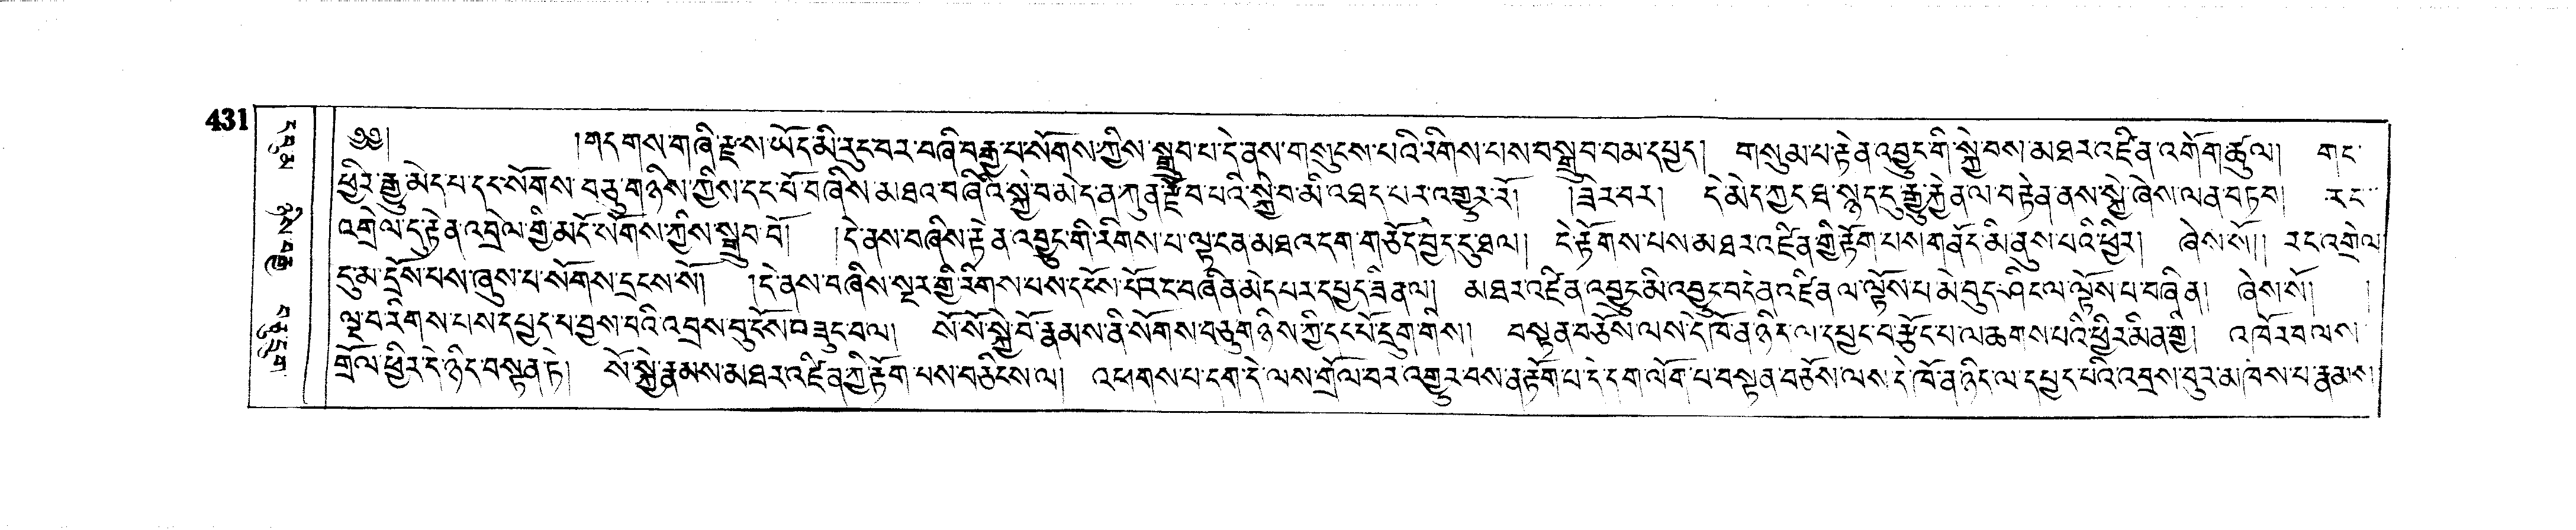༄༅། །གདགས་གཞི་རྫས་ཡོད་མི་རུང་བར་བཞི་བརྒྱ་པ་སོགས་ཀྱིས་སྒྲུབ་པ་དེ་ནས་གསུངས་པའི་རིགས་པས་བསྒྲུབ་བམ་དཔྱད། གསུམ་པ་རྟེན་འབྱུང་གི་སྐྱེ་བས་མཐར་འཛིན་འགོག་ཚུལ། གང་
ཕྱིར་རྒྱུ་མེད་པ་དང་སོགས་བཅུ་གཉིས་ཀྱིས་དང་པོ་བཞིས་མཐའ་བཞིའི་སྐྱེ་བ་མེད་ན་ཀུན་རྫོབ་པའི་སྐྱེ་བ་མི་འཐད་པར་འགྱུར་རོ། །ཟེར་བར། དེ་མེད་ཀྱང་ཐ་སྙད་དུ་རྒྱུ་རྐྱེན་ལ་བརྟེན་ནས་སྐྱེ་ཞེས་ལན་བཏབ། རང་
འགྲེལ་དུ་རྟེན་འབྲེལ་གྱི་མདོ་སོགས་ཀྱིས་སྒྲུབ་བོ། །དེ་ནས་བཞིས་རྟེན་འབྱུང་གི་རིགས་པ་ལྟ་ངན་མཐའ་དག་གཅོད་བྱེད་དུ་ཐལ། ངེ་རྟོགས་པས་མཐར་འཛིན་གྱི་རྟོག་པས་གནོད་མི་ནུས་པའི་ཕྱིར། ཞེས་སོ། །རང་འགྲེལ་
དུ་མ་དྲོས་པས་ཞུས་པ་སོགས་དྲངས་སོ། །དེ་ནས་བཞིས་སྔར་གྱི་རིགས་པས་དངོས་པོ་རང་བཞིན་མེད་པར་དཔྱད་ཟིན་ལ། མཐར་འཛིན་འབྱུང་མི་འབྱུང་བདེན་འཛིན་ལ་ལྟོས་པ་མེ་བུད་ཤིང་ལ་ལྟོས་པ་བཞིན། ཞེས་སོ། །
ལྔ་བ་རིགས་པས་དཔྱད་པ་བྱས་པའི་འབྲས་བུ་ངོས་བཟུང་བ་ལ། སོ་སོ་སྐྱེ་བོ་རྣམས་ནི་སོགས་བཅུ་གཉིས་ཀྱི་དང་པོ་དྲུག་གིས། བསྟན་བཅོས་ལས་དེ་ཁོ་ན་ཉིད་ལ་དཔྱད་བརྩོད་པ་ལ་ཆགས་པའི་ཕྱིར་མིན་གྱི། འཁོར་བ་ལས་
གྲོལ་ཕྱིར་དེ་ཉིད་བསྟན་ཏེ། སོ་སྐྱེ་རྣམས་མཐར་འཛིན་ཀྱི་རྟོག་པས་བཅིངས་ལ། འཕགས་པ་དག་དེ་ལས་གྲོལ་བར་འགྱུར་བས་ན་རྟོག་པ་དེ་དག་ལོག་པ་བསྟན་བཅོས་ལས་དེ་ཁོ་ན་ཉིད་ལ་དཔྱད་པའི་འབྲས་བུར་མཁས་པ་རྣམས་